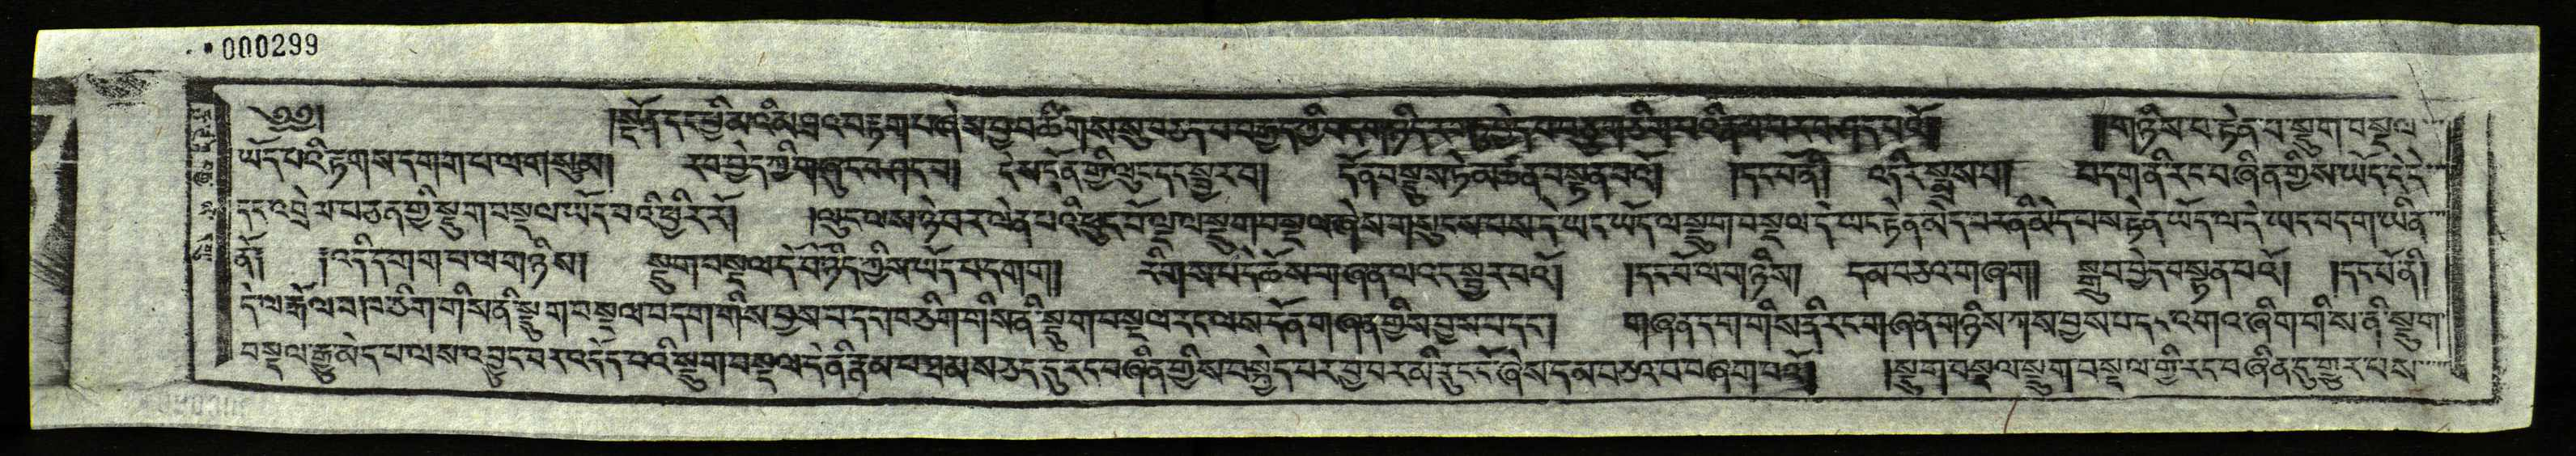༄༅། །སྔོན་དང་ཕྱི་མའི་མཐའ་བརྟག་པ་ཞེས་བྱ་བ་ཚིགས་སུ་བཅད་པ་བརྒྱད་ཀྱི་བདག་ཉིད་རབ་ཏུ་བྱེད་པ་བཅུ་གཅིག་པའི་རྣམ་པར་བཤད་པའོ།། །།གཉིས་པ་རྟེན་པ་སྡུག་བསྔལ་
ཡོད་པའི་རྟགས་དགག་པ་ལ་གསུམ། རབ་བྱེད་ཀྱི་གཞུང་བཤད་པ། ངེས་དོན་གྱི་ལུང་དང་སྦྱར་བ། དོན་བསྡུས་ཏེ་མཚན་བསྟན་པའོ། །དང་པོ་ནི། འདིར་སྨྲས་པ། བདག་ནི་རང་བཞིན་གྱིས་ཡོད་དེ་དེ་
དང་འབྲེལ་པ་ཅན་གྱི་སྡུག་བསྔལ་ཡོད་པའི་ཕྱིར་རོ། །ལུང་ལས་ཉེ་བར་ལེན་པའི་ཕུང་པོ་ལྔ་ལ་སྡུག་བསྔལ་ཞེས་གསུངས་པས་དེ་ཡང་ཡོད་ལ་སྡུག་བསྔལ་དེ་ཡང་རྟེན་མེད་པར་ནི་མེད་པས་རྟེན་ཡོད་ལ་དེ་ཡང་བདག་ཡིན་
ནོ༑ ༑འདི་དགག་པ་ལ་གཉིས། སྡུག་བསྔལ་ངོ་བོ་ཉིད་ཀྱིས་ཡོད་པ་དགག །རིགས་པ་དེ་ཆོས་གཞན་ལའང་སྦྱར་བའོ། །དང་པོ་ལ་གཉིས། དམ་བཅའ་གཞག །སྒྲུབ་བྱེད་བསྟན་པའོ། །དང་པོ་ནི།
དེ་ལ་རྒོལ་བ་ཁ་ཅིག་གིས་ནི་སྡུག་བསྔལ་བདག་གིས་བྱ་བ་དང་ཁ་ཅིག་གིས་ནི་སྡུག་བསྔལ་རང་ལས་དོན་གཞན་གྱིས་བྱས་པ་དང་། གཞན་དག་གིས་ནི་རང་གཞན་གཉིས་ཀས་བྱས་པ་དང་འགའ་ཞིག་གིས་ནི་སྡུག་
བསྔལ་རྒྱུ་མེད་པ་ལས་འབྱུང་བར་འདོད་པའི་སྡུག་བསྔལ་དེ་ནི་རྣམ་པ་ཐམས་ཅད་དུ་རང་བཞིན་གྱིས་བསྐྱེད་པར་བྱ་བར་མི་རུང་ངོ་ཞེས་དམ་བཅའ་བ་བཞག་པའོ། །སྡུག་བསྔལ་སྡུག་བསྔལ་གྱི་རང་བཞིན་དུ་གྱུར་པས་